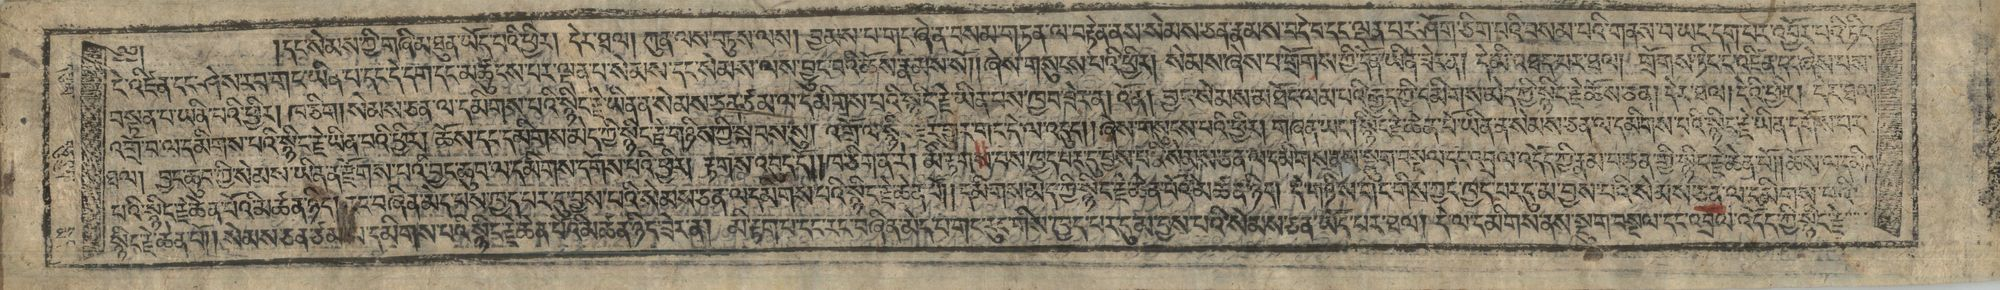༄༅། །དང་སེམས་ཀྱི་གཞི་མཐུན་ཡོད་པའི་ཕྱིར། དེར་ཐལ། ཀུན་ལས་བཏུས་ལས། བྱམས་པ་གང་ཞེ་ན་བསམ་གཏན་ལ་བརྟེན་ནས་སེམས་ཅན་རྣམས་བདེ་བ་དང་ལྡན་པར་ཤོག་ཅིག་པའི་བསམ་པའི་གནས་པ་ཡང་དག་པར་འབྱོར་བའི་ཏིང་
ངེ་འཛིན་དང་ཤེས་རབ་གང་ཡིན་པ་དང་དེ་དག་དང་མཚུངས་པར་ལྡན་པ་སེམས་དང་སེམས་ལས་བྱུང་བའི་ཆོས་རྣམས་སོ། །ཞེས་གསུངས་པའི་ཕྱིར། སེམས་ཞེས་པ་གྲོགས་ཀྱི་དོན་ཡིན་ཟེར་ན། དེ་མི་འཐད་པར་ཐལ། གྲོགས་ཏིང་ངེ་འཛིན་དང་ཞེས་པས་
བསྟན་པ་ཡིན་པའི་ཕྱིར། ཁ་ཅིག །སེམས་ཅན་ལ་དམིགས་པའི་སྙིང་རྗེ་ཡིན་ན་སེམས་ཅན་ཙམ་ལ་དམིགས་པའི་སྙིང་རྗེ་ཡིན་པས་ཁྱབ་ཟེར་ན། འོ་ན། བྱང་སེམས་མཐོང་ལམ་པའི་རྒྱུད་ཀྱི་དམིགས་མེད་ཀྱི་སྙིང་རྗེ་ཆོས་ཅན། དེར་ཐལ། དེའི་ཕྱིར། དེར་ཐལ་
འགྲོ་བ་ལ་དམིགས་པའི་སྙིང་རྗེ་ཡིན་པའི་ཕྱིར། ཆོས་དང་དམིགས་མེད་ཀྱི་སྙིང་རྗེ་གཉིས་ཀྱི་སྐབས་སུ། འགྲོ་ལ་སྙིང་རྗེར་གྱུར་གང་དེ་ལ་འདུད། །ཞེས་གསུངས་པའི་ཕྱིར། གཞན་ཡང་། སྙིང་རྗེ་ཆེན་པོ་ཡིན་ན་སེམས་ཅན་ལ་དམིགས་པའི་སྙིང་རྗེ་ཡིན་དགོས་པར་
ཐལ། བྱང་ཆུབ་ཀྱི་སེམས་ཡིན་ན་རྫོགས་པའི་བྱང་ཆུབ་ལ་དམིགས་དགོས་པའི་ཕྱིར། རྟགས་འབུད་དོ། །ཁ་ཅིག་ན་རེ། མི་རྟག་པས་ཁྱད་པར་དུ་བྱས་པའི་སེམས་ཅན་ལ་དམིགས་ནས་སྡུག་བསྔལ་དང་འབྲལ་འདོད་ཀྱི་རྣམ་པ་ཅན་གྱི་སྙིང་རྗེ་ཆེན་པོ། །ཆོས་ལ་དམིགས་
པའི་སྙིང་རྗེ་ཆེན་པོའི་མཚན་ཉིད། རང་བཞིན་མེད་པས་ཁྱད་པར་དུ་བྱས་པའི་སེམས་ཅན་ལ་དམིགས་པའི་སྙིང་རྗེ་ཆེན་པོ། །དམིགས་མེད་ཀྱི་སྙིང་རྗེ་ཆེན་པོའི་མཚན་ཉིད། དེ་གཉིས་གང་གིས་ཀྱང་ཁྱད་པར་དུ་མ་བྱས་པའི་སེམས་ཅན་ལ་དམིགས་པའི་
སྙིང་རྗེ་ཆེན་པོ། །སེམས་ཅན་ཙམ་ལ་དམིགས་པའི་སྙིང་རྗེ་ཆེན་པོའི་མཚན་ཉིད་ཟེར་ན། །མི་རྟག་པ་དང་རང་བཞིན་མེད་པ་གང་རུང་གིས་ཁྱད་པར་དུ་མ་བྱས་པའི་སེམས་ཅན་ཡོད་པར་ཐལ། དེ་ལ་དམིགས་ནས་སྡུག་བསྔལ་དང་འབྲལ་འདོད་ཀྱི་སྙིང་རྗེ་